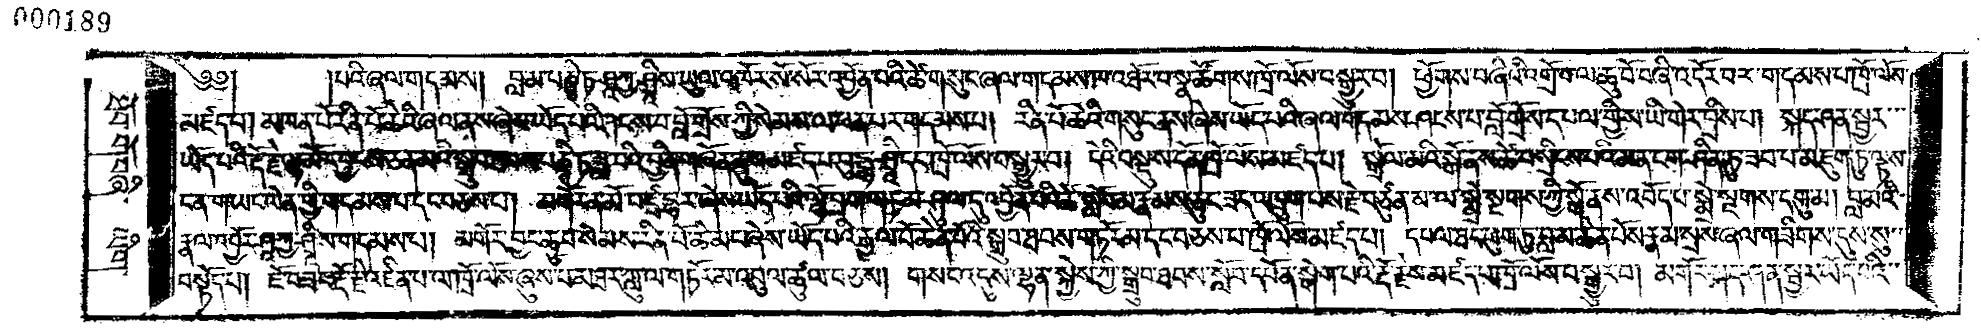༄༅། །པའི་ཞལ་གདམས། བླ་མ་པཎྚི་ཏ་ཤཱཀྱ་ཤྲཱིས་ཡུལ་འཁོར་སོ་སོར་འབྱོན་པའི་ཚེ་གསུང་ཞལ་གདམས་ཁ་འཐོར་བ་སྣ་ཚོགས་ཁྲོ་ལོས་བསྒྱུར་བ། ཕྱོགས་བཞིའི་འགྲོ་བ་ལ་ཆུ་བོ་བཞི་འདོར་བར་གདམས་པ་ཁྲོ་ལོས་
མཛད་པ། མཁན་པོ་རིན་པོ་ཆེའི་ཞལ་ནས་ཞེས་ཡོད་པའི་ཤངས་པ་བློ་གྲོས་ཀྱི་སེམས་ལ་ཕན་པར་གདམས་པ། རིན་པོ་ཆེའི་གསུང་ནས་ཞེས་ཡོད་པའི་ཞལ་གདམས་ཤངས་པ་བློ་གྲོས་དཔལ་གྱིས་ཡི་གེར་བྲིས་པ། སྐད་ཤན་སྦྱར་
ཡོད་པའི་རྡོ་རྗེ་ལྷ་མོ་དབྱངས་ཅན་མའི་སྒྲུབ་ཐབས་པཎྚི་ཏ་ཟླ་བའི་བྱིན་གཞོན་ནུས་མཛད་པ་བུདྡྷ་ཤྲཱི་དང་ཁྲོ་ལོས་བསྒྱུར་བ། དེའི་བསྡུས་དོན་ཁྲོ་ལོས་མཛད་པ། སྒྲོལ་མའི་སྒོ་ནས་ཚེ་བསྲིངས་པའི་མན་ངག་ཤིན་ཏུ་ཟབ་པ་མཇུག་ཏུ་ལྟས་
ངན་གཡང་ལེན་གྱི་གདམས་པ་དང་བཅས་པ། མགོར་ན་མོ་བཛྲ་དྷ་ར་ཞེས་ཡོད་པའི་ལྷོ་བྲག་གཏམ་ཤུལ་དུ་འབྱོན་པའི་ཚེ་སློབ་མ་རྣམས་ཅུང་ཟད་འཁྲུག་པས་རྗེ་བཙུན་མ་ལ་སྨྲེ་སྔགས་ཀྱི་སྒོ་ནས་འབོད་པ་སྨྲེ་སྔགས་དགུ་མ། བླ་མའི་
རྣལ་འབྱོར་ཤཱཀྱ་ཤྲཱིས་གདམས་པ། མགོར་བྱང་ཆུབ་སེམས་རིན་པོ་ཆེ་མང་ཞེས་ཡོད་པའི་རྒྱལ་པོ་ཆེན་པོའི་སྒྲུབ་ཐབས་གཏོར་མ་དང་བཅས་པ་ཁྲོ་ལོས་མཛད་པ། དཔལ་ཐང་ཕུག་ཏུ་བླ་མ་ཆེན་པོས་རྣམ་སྲས་ཞལ་གཟིགས་དུས་སུ་
བསྟོད་པ། ཇོ་བཟང་རྡོ་རྗེ་འཛིན་པ་ལ་ཁྲོ་ལོས་ཞུས་པ་མཐར་ཀླུ་ལ་གཏོར་མ་འབུལ་ཚུལ་བཅས། གསང་འདུས་ལྷན་སྐྱེས་ཀྱི་སྒྲུབ་ཐབས་སློབ་དཔོན་སྒེག་པའི་རྡོ་རྗེས་མཛད་པ་ཁྲོ་ལོས་བསྒྱུར་བ། མགོར་སྐད་ཤན་སྦྱར་ཡོད་པའི་